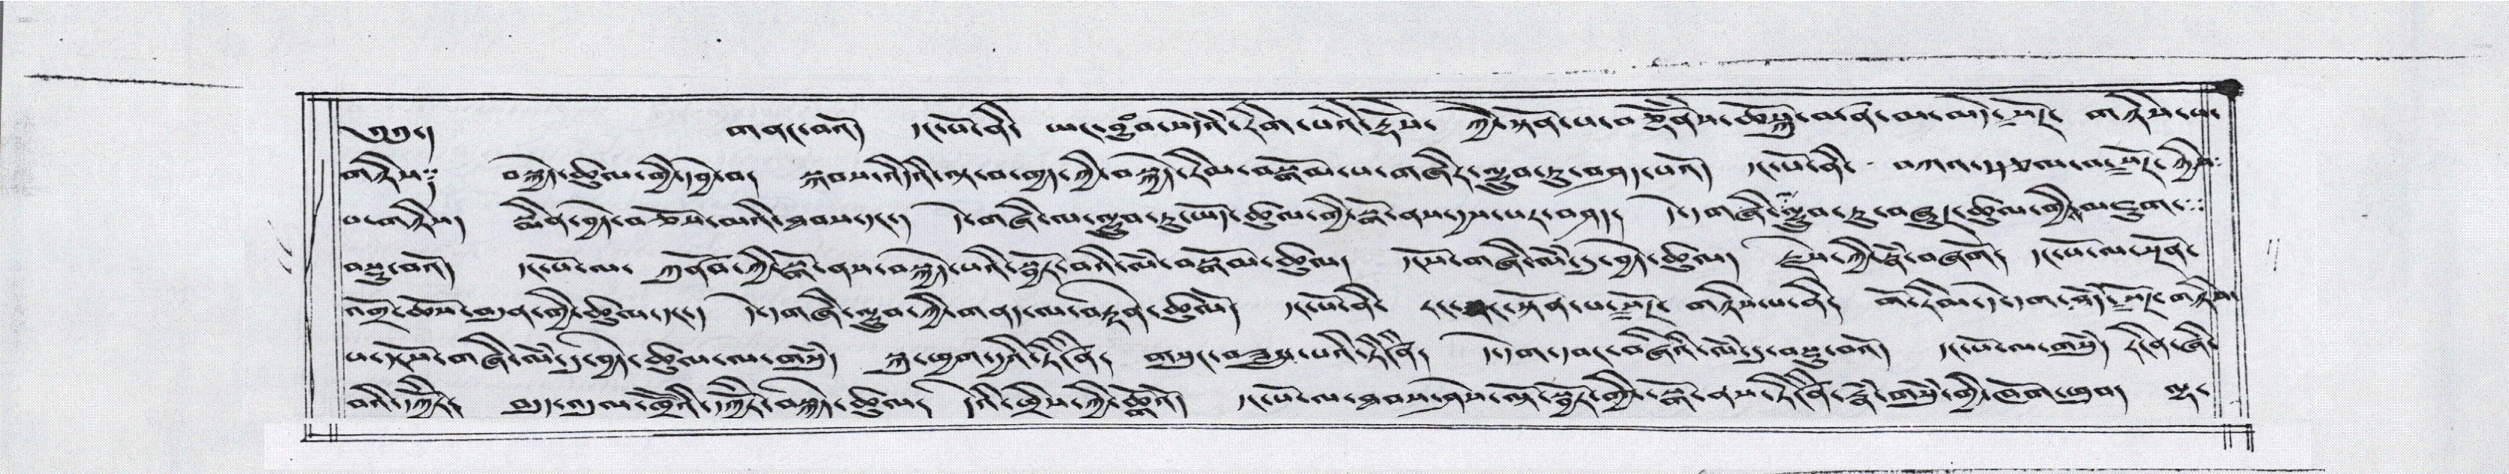གནང་བའོ། དང་པོ་ནི། ཡང་བྱང་ཆུབ་སེམས་དཔའ་འམ་རིག་པའི་རྡོ་རྗེས། ཀྱཻ་སྟོན་པ་བཅོམ་ལྡན་འདས་ཆོས་སྐུ་མཚན་མ་མེད་སོགས། གཉིས་པ་
གཉིས། བསྐྱེད་ཚུལ་གྱི་དབྱེ་བ། སྐབས་འདིའི་ལྟ་བ་ཁྱད་ཀྱི་བསྐྱེད་རིམ་བསྒོམ་པ་གཞིར་ལྷུན་གྲུབ་ཏུ་བཤད་པའོ། དང་པོ་ནི། བཀའ་སྩལ་བ་སོགས། གཉིས་
པ་གཉིས། སྨིན་བྱེད་བཅོས་མའི་ཐབས་དང། དེ་གཞི་ལ་ལྷུན་གྲུབ་ཏུ་ཡོད་ཚུལ་གྱི་སྒོ་ནས་རྒྱས་པར་བཤད། དེ་དག་གཞི་ལ་ལྷུན་གྲུབ་ཏུ་བཞུགས་ཚུལ་གྱིས་མཇུག་
བསྡུ་བའོ། དང་པོ་ལ། ཀུན་རྫོབ་ཀྱི་སྒོ་ནས་བསྐྱེད་པའི་སྦྱོར་བའི་ལམ་བསྒོམ་ཚུལ། དངོས་གཞི་ལམ་དུ་བྱེད་ཚུལ། རྗེས་ཀྱི་རྣམ་བཞག་གོ། དང་པོ་ལ་སྔོན་
འགྲོ་ཆོས་བདུན་གྱི་ཚུལ་དང། དེ་དག་གཞི་ལྷུན་གྲུབ་ཀྱི་གནད་ལ་བརྟེན་ཚུལ་ལོ། དང་པོ་ནི། རང་སྣང་སྟོན་པ་སོགས། གཉིས་པ་ནི། གོ་རིམ་དེ་དག་ཐམས་ཅད་སོགས། གཉིས་
པ་དངོས་གཞི་ལམ་དུ་བྱེད་ཚུལ་ལ་གསུམ། སྐུ་ཕྱག་རྒྱའི་ཏིང་འཛིན། གསུང་བཟླས་པའི་ཏིང་འཛིན། དེ་དག་དབང་བཞིའི་ལམ་དུ་བསྡུ་བའོ། དང་པོ་ལ་གསུམ། རང་བཞིན་གྱི་ཞི་
བའི་དཀྱིལ་འཁོར། བདུད་འདུལ་ཁྲོ་བོའི་དཀྱིལ་འཁོར་བསྐྱེད་ཚུལ། དེའི་ཕྲིན་ལས་ཀྱི་ཆོ་གའོ། དང་པོ་ལ་ཐབས་ཤེས་ལྟོ་སྦྱོར་གྱི་སྒོ་ནས་ཏིང་འཛིན་རྣམ་གསུམ་གྱི་ཁོག་ཕུབ། ལྷ་